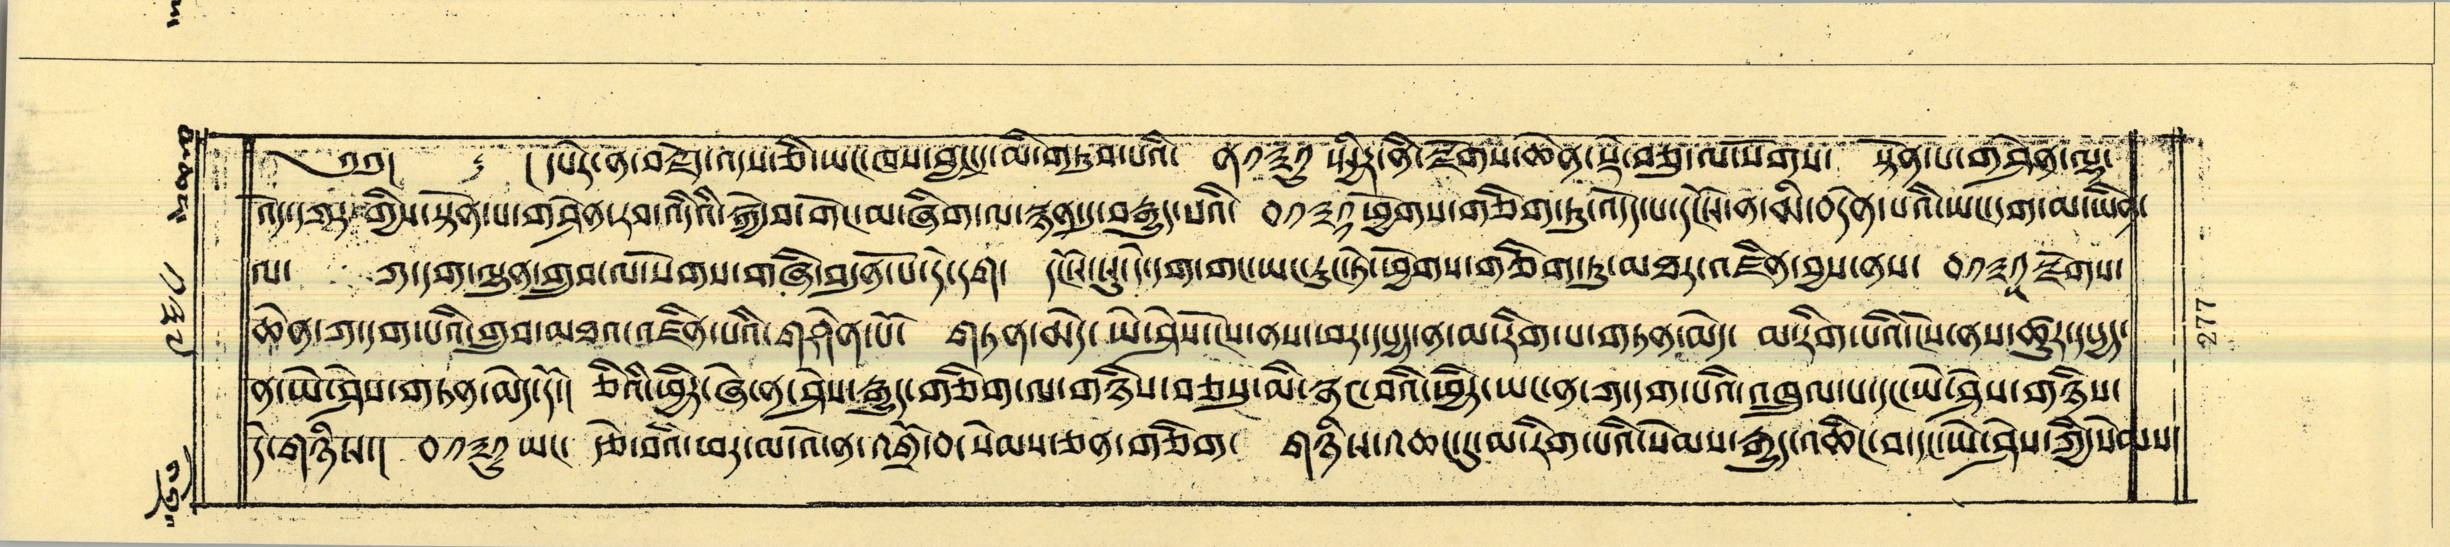དཔེར་ན་བརྗོད་འདས་ཅི་ཡང་ཁས་བླང་དུ་མི་གཏུབ་པའི། ན༡༣༡།༦ ༼སྤྱིར་༽ནི་སྫོགས་ཆེན་སྡེ་བཅུ་ལ་སོགས་སྟོན་པ་གཤེན་ལྷ་
འོད་དཀར་གྱིས་སྟོན་པ་གཤེན་རབ་འདིའི་སྐྱེ་བ་གོང་མ་ཞིག་ལ་སྙན་དུ་བརྒྱུད་པའི། བ༡༣༡།༡ ཕྱོགས་གཅིག་ཏུ་འདོད་པ་ ༼དངོས་༽ན་ ༼མི་བདེན་༽པའི་ཡང་དག་མ་ཡིན་
ལ། ཀ་དག་ལྷུན་གྲུབ་ལ་སོགས་གཞི་བདུན་པོ་ ༼དེ་དག་དངོས་སུ་༽དེ་དག་གང་ཡང་རུང་ཏེ་ཕྱོགས་གཅིག་ཏུ་མཐར་འཛིན་བྱས་ནས། བ༡༣༡།༥ སྫོགས་
ཆེན་ཀ་དག་པའི་གྲུབ་མཐའ་འཛིན་པའི་ ༼གཤེན་པོ་༽ ༼གཏན་མེད་༽ཡེ་ཤེས་ངོས་ནས་ཕར་དཔྱད་ན་མ་རིག་པ་གཏན་མེད། མ་རིག་པའི་ངོས་ནས་ཚུར་དཔྱད་
ན་ཡེ་ཤེས་གཏན་ ༼མེད་དོ།༽ཅིའི་ཕྱིར་ཞེ་ན་ཤེས་རྒྱུད་གཅིག་ལ་གཉིས་བཅས་སུ་མི་སྣང་བའི་ཕྱིར་ཡང་ན་ཀ་དག་པའི་འཁྲུལ་པ་དང་ཡེ་ཤེས་གཉིས་ 
དེ་གཉིས་། བ༡༣༡།༦ ཡང་། རྩེ་བའི་ཕར་མ་འོ་ན་ ༼འགྲོ་བ་༽སེམས་ཅན་གཅིག ༼གཉིས་འཆང་དུ་༽མ་རིག་པའི་སེམས་རྒྱུད་འཆིང་བ་དང་ཡེ་ཤེས་ཀྱི་སེམས་